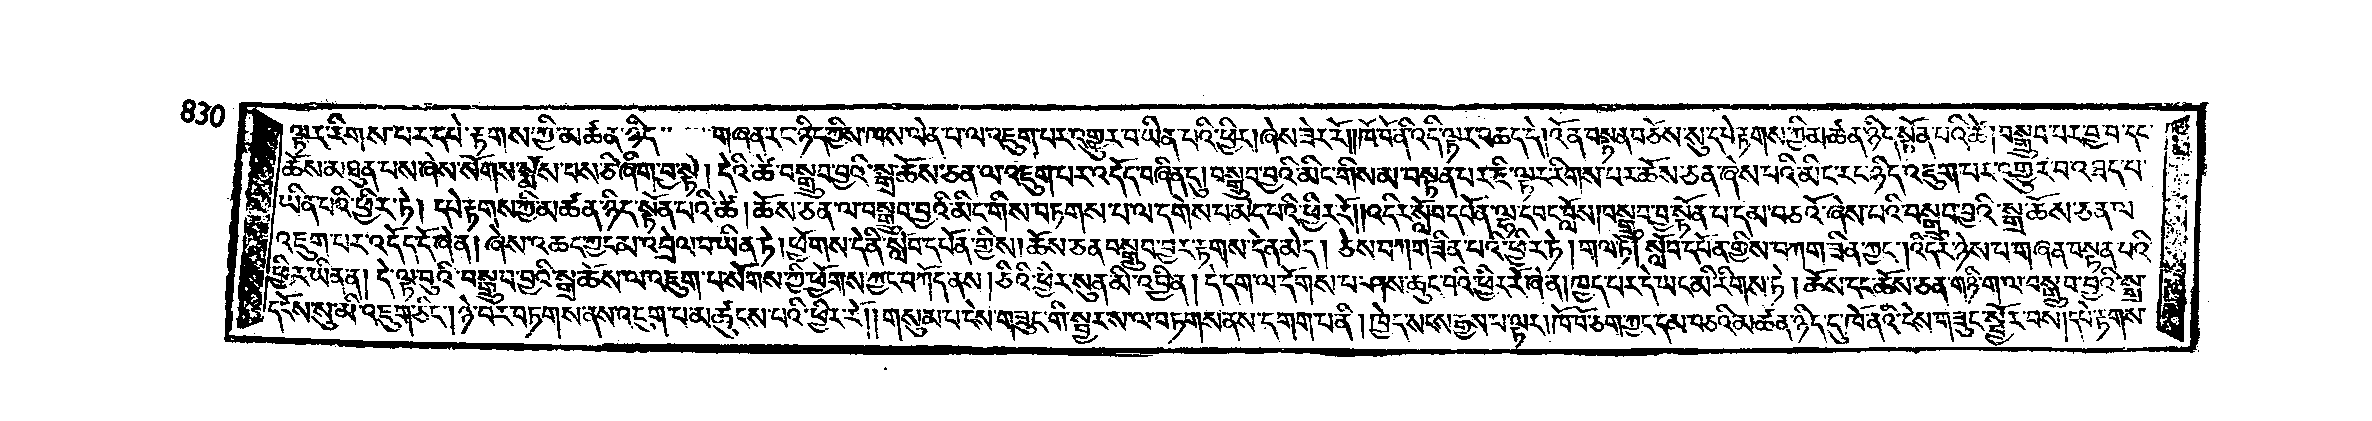ལྟར་རིགས་པར་དཔེ་རྟགས་ཀྱི་མཚན་ཉིད་གཞན་རང་ཉིད་ཀྱིས་ཁས་ལེན་པ་ལ་འཇུག་པར་འགྱུར་བ་ཡིན་པའི་ཕྱིར། ཞེས་ཟེར་རོ། །ཁོ་བོ་ནི་འདི་ལྟར་འཆད་དེ། འོ་ན་བསྟན་བཅོས་སུ་དཔེ་རྟགས་ཀྱི་མཚན་ཉིད་སྟོན་པའི་ཚེ། བསྒྲུབ་པར་བྱ་བ་དང་།
ཆོས་མཐུན་པས་ཞེས་སོགས་སྨོས་པས་ཅི་ཞིག་བྱ་སྟེ། དེའི་ཚེ་བསྒྲུབ་བྱའི་སྒྲ་ཆོས་ཅན་ལ་འཇུག་པར་འདོད་བཞིན་དུ། བསྒྲུབ་བྱའི་མིང་གིས་མ་བསྟན་པར་ཇི་ལྟར་རིགས་པར་ཆོས་ཅན་ཞེས་པའི་མིང་རང་ཉིད་འཇུག་པར་འགྱུར་བ་འཐད་པ་
ཡིན་པའི་ཕྱིར་ཏེ། དཔེ་རྟགས་ཀྱི་མཚན་ཉིད་སྟོན་པའི་ཚེ། ཆོས་ཅན་ལ་བསྒྲུབ་བྱའི་མིང་གིས་བཏགས་པ་ལ་དགོས་པ་མེད་པའི་ཕྱིར་རོ། །འདིར་སློབ་དཔོན་ལྷ་དབང་བློས། བསྒྲུབ་བྱ་སྟོན་པ་དམ་བཅའོ་ཞེས་པའི་བསྒྲུབ་བྱའི་སྒྲ་ཆོས་ཅན་ལ་
འཇུག་པར་འདོད་དོ་ཞེ་ན། ཞེས་འཆད་ཀྱང་མ་འབྲེལ་བ་ཡིན་ཏེ། ཕྱོགས་དེ་ནི་སློབ་དཔོན་གྱིས། ཆོས་ཅན་བསྒྲུབ་བྱར་རྟགས་དོན་མེད། ཅེས་བཀག་ཟིན་པའི་ཕྱིར་ཏེ། གལ་ཏེ། སློབ་དཔོན་གྱིས་བཀག་ཟིན་ཀྱང་། འདིར་ཉེས་པ་གཞན་བསྟན་པའི་
ཕྱིར་ཡིན་ན། དེ་ལྟ་བུའི་བསྒྲུབ་བྱའི་སྒྲ་ཆོས་ལ་འཇུག་པ་སོགས་ཀྱི་ཕྱོགས་ཀྱང་བཀོད་ནས། ཅིའི་ཕྱིར་སུན་མི་འབྱིན། དེ་དག་ལ་དོགས་པ་ཤས་ཆུང་བའི་ཕྱིར་རོ་ཞེ་ན། ཁྱད་པར་དེ་ཡང་མི་རིགས་ཏེ། ཆོས་དང་ཆོས་ཅན་གཉི་ག་ལ་བསྒྲུབ་བྱའི་སྒྲ་
དངོས་སུ་མི་འཇུག་ཅིང་། ཉེ་བར་བཏགས་ནས་འཇུག་པ་མཚུངས་པའི་ཕྱིར་རོ། །གསུམ་པ་ངེས་གཟུང་གི་སྦྱར་ས་ལ་བཏགས་ནས་དགག་པ་ནི། ཁྱེད་སངས་རྒྱས་པ་ལྟར། ཁོ་བོ་ཅག་ཀྱང་དམ་བཅའི་མཚན་ཉིད་དུ་ཁོ་ནའི་ངེས་གཟུང་སྦྱོར་བས། དཔེ་རྟགས་